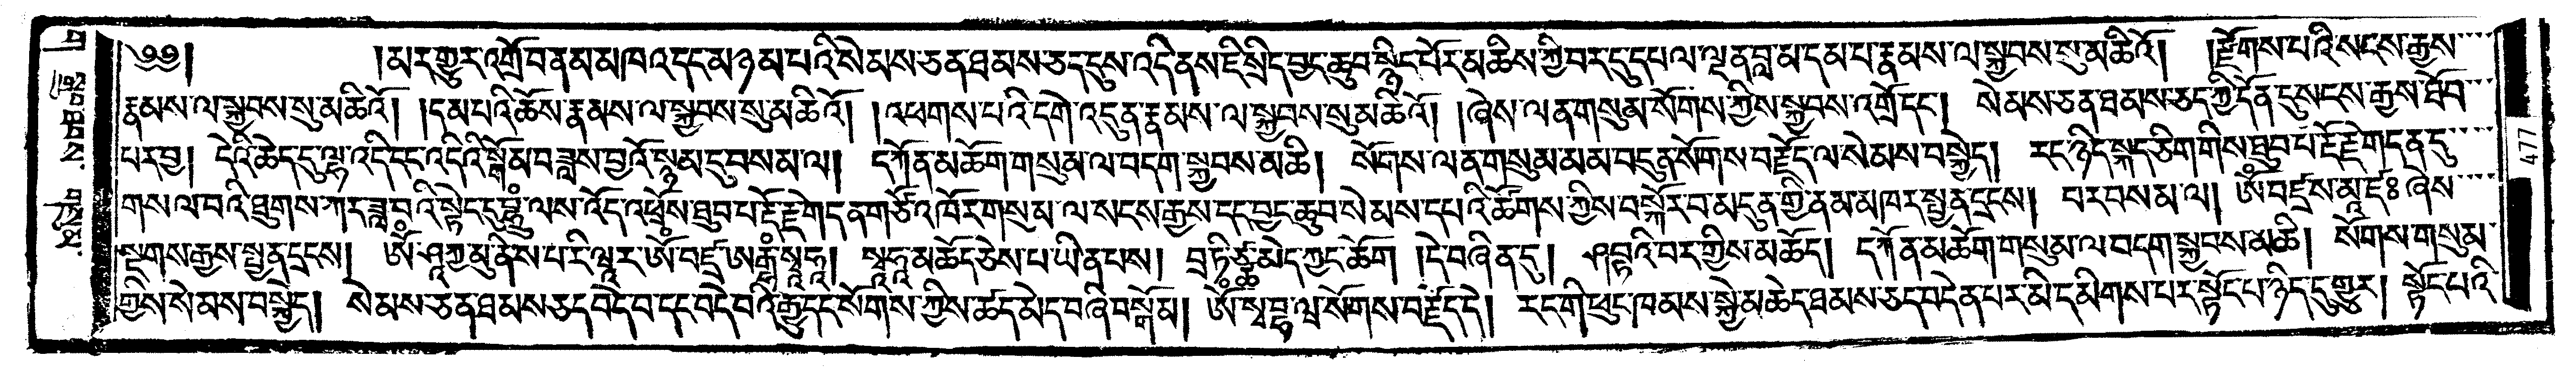༄༅། །མར་གྱུར་འགྲོ་བ་ནམ་མཁའ་དང་མཉམ་པའི་སེམས་ཅན་ཐམས་ཅད་དུས་འདི་ནས་ཇི་སྲིད་བྱང་ཆུབ་སྙིང་པོར་མཆིས་ཀྱི་བར་དུ་དཔལ་ལྡན་བླ་མ་དམ་པ་རྣམས་ལ་སྐྱབས་སུ་མཆིའོ། །རྫོགས་པའི་སངས་རྒྱས་
རྣམས་ལ་སྐྱབས་སུ་མཆིའོ། །དམ་པའི་ཆོས་རྣམས་ལ་སྐྱབས་སུ་མཆིའོ། །འཕགས་པའི་དགེ་འདུན་རྣམས་ལ་སྐྱབས་སུ་མཆིའོ། །ཞེས་ལན་གསུམ་སོགས་ཀྱིས་སྐྱབས་འགྲོ་དང་། སེམས་ཅན་ཐམས་ཅད་ཀྱི་དོན་དུ་སངས་རྒྱས་ཐོབ་
པར་བྱ། དེའི་ཆེད་དུ་ལྷ་འདི་དང་འདིའི་སྒོམ་བཟླས་བྱའོ་སྙམ་དུ་བསམ་ལ། དཀོན་མཆོག་གསུམ་ལ་བདག་སྐྱབས་མཆི། སོགས་ལན་གསུམ་མམ་བདུན་སོགས་བརྗོད་ལ་སེམས་བསྐྱེད། རང་ཉིད་སྐད་ཅིག་གིས་ཐུབ་པ་རྡོ་རྗེ་གདན་དུ་
གསལ་བའི་ཐུགས་ཀར་ཟླ་བའི་སྟེང་དུ་བྷྲུཾ་ལས་འོད་འཕྲོས་ཐུབ་པ་རྡོ་རྗེ་གདན་གཙོ་འཁོར་གསུམ་ལ་སངས་རྒྱས་དང་བྱང་ཆུབ་སེམས་དཔའི་ཚོགས་ཀྱིས་བསྐོར་བ་མདུན་གྱི་ནམ་མཁར་སྤྱན་དྲངས། བར་བསམ་ལ། ཨོཾ་བཛྲ་ས་མཱ་ཛཿ ཞེས་
སྔགས་རྒྱས་སྤྱན་དྲངས། ཨོཾ་ཤཱཀྱ་མུ་ནི་ས་པ་རི་ཝཱ་ར་ཨོཾ་བཛྲ་ཨརྒྷཾ་སྭཱཧཱ། སྭཱཧཱ་མཆོད་ཅེས་པ་ཡིན་པས། བྲ་ཏི་ཙྪ་མེད་ཀྱང་ཆོག །དེ་བཞིན་དུ། ཤཔྟའི་བར་གྱིས་མཆོད། དཀོན་མཆོག་གསུམ་ལ་བདག་སྐྱབས་མཆི། སོགས་གསུམ་
གྱིས་སེམས་བསྐྱེད། སེམས་ཅན་ཐམས་ཅད་བདེ་བ་དང་བདེ་བའི་རྒྱུ་དང་སོགས་ཀྱིས་ཚད་མེད་བཞི་བསྒོམ། ཨོཾ་སྭ་བྷ་ཝ་སོགས་བརྗོད་དེ། རང་གི་ཕུང་ཁམས་སྐྱེ་མཆེད་ཐམས་ཅད་བདེན་པར་མི་དམིགས་པར་སྟོང་པ་ཉིད་དུ་གྱུར། སྟོང་པའི་